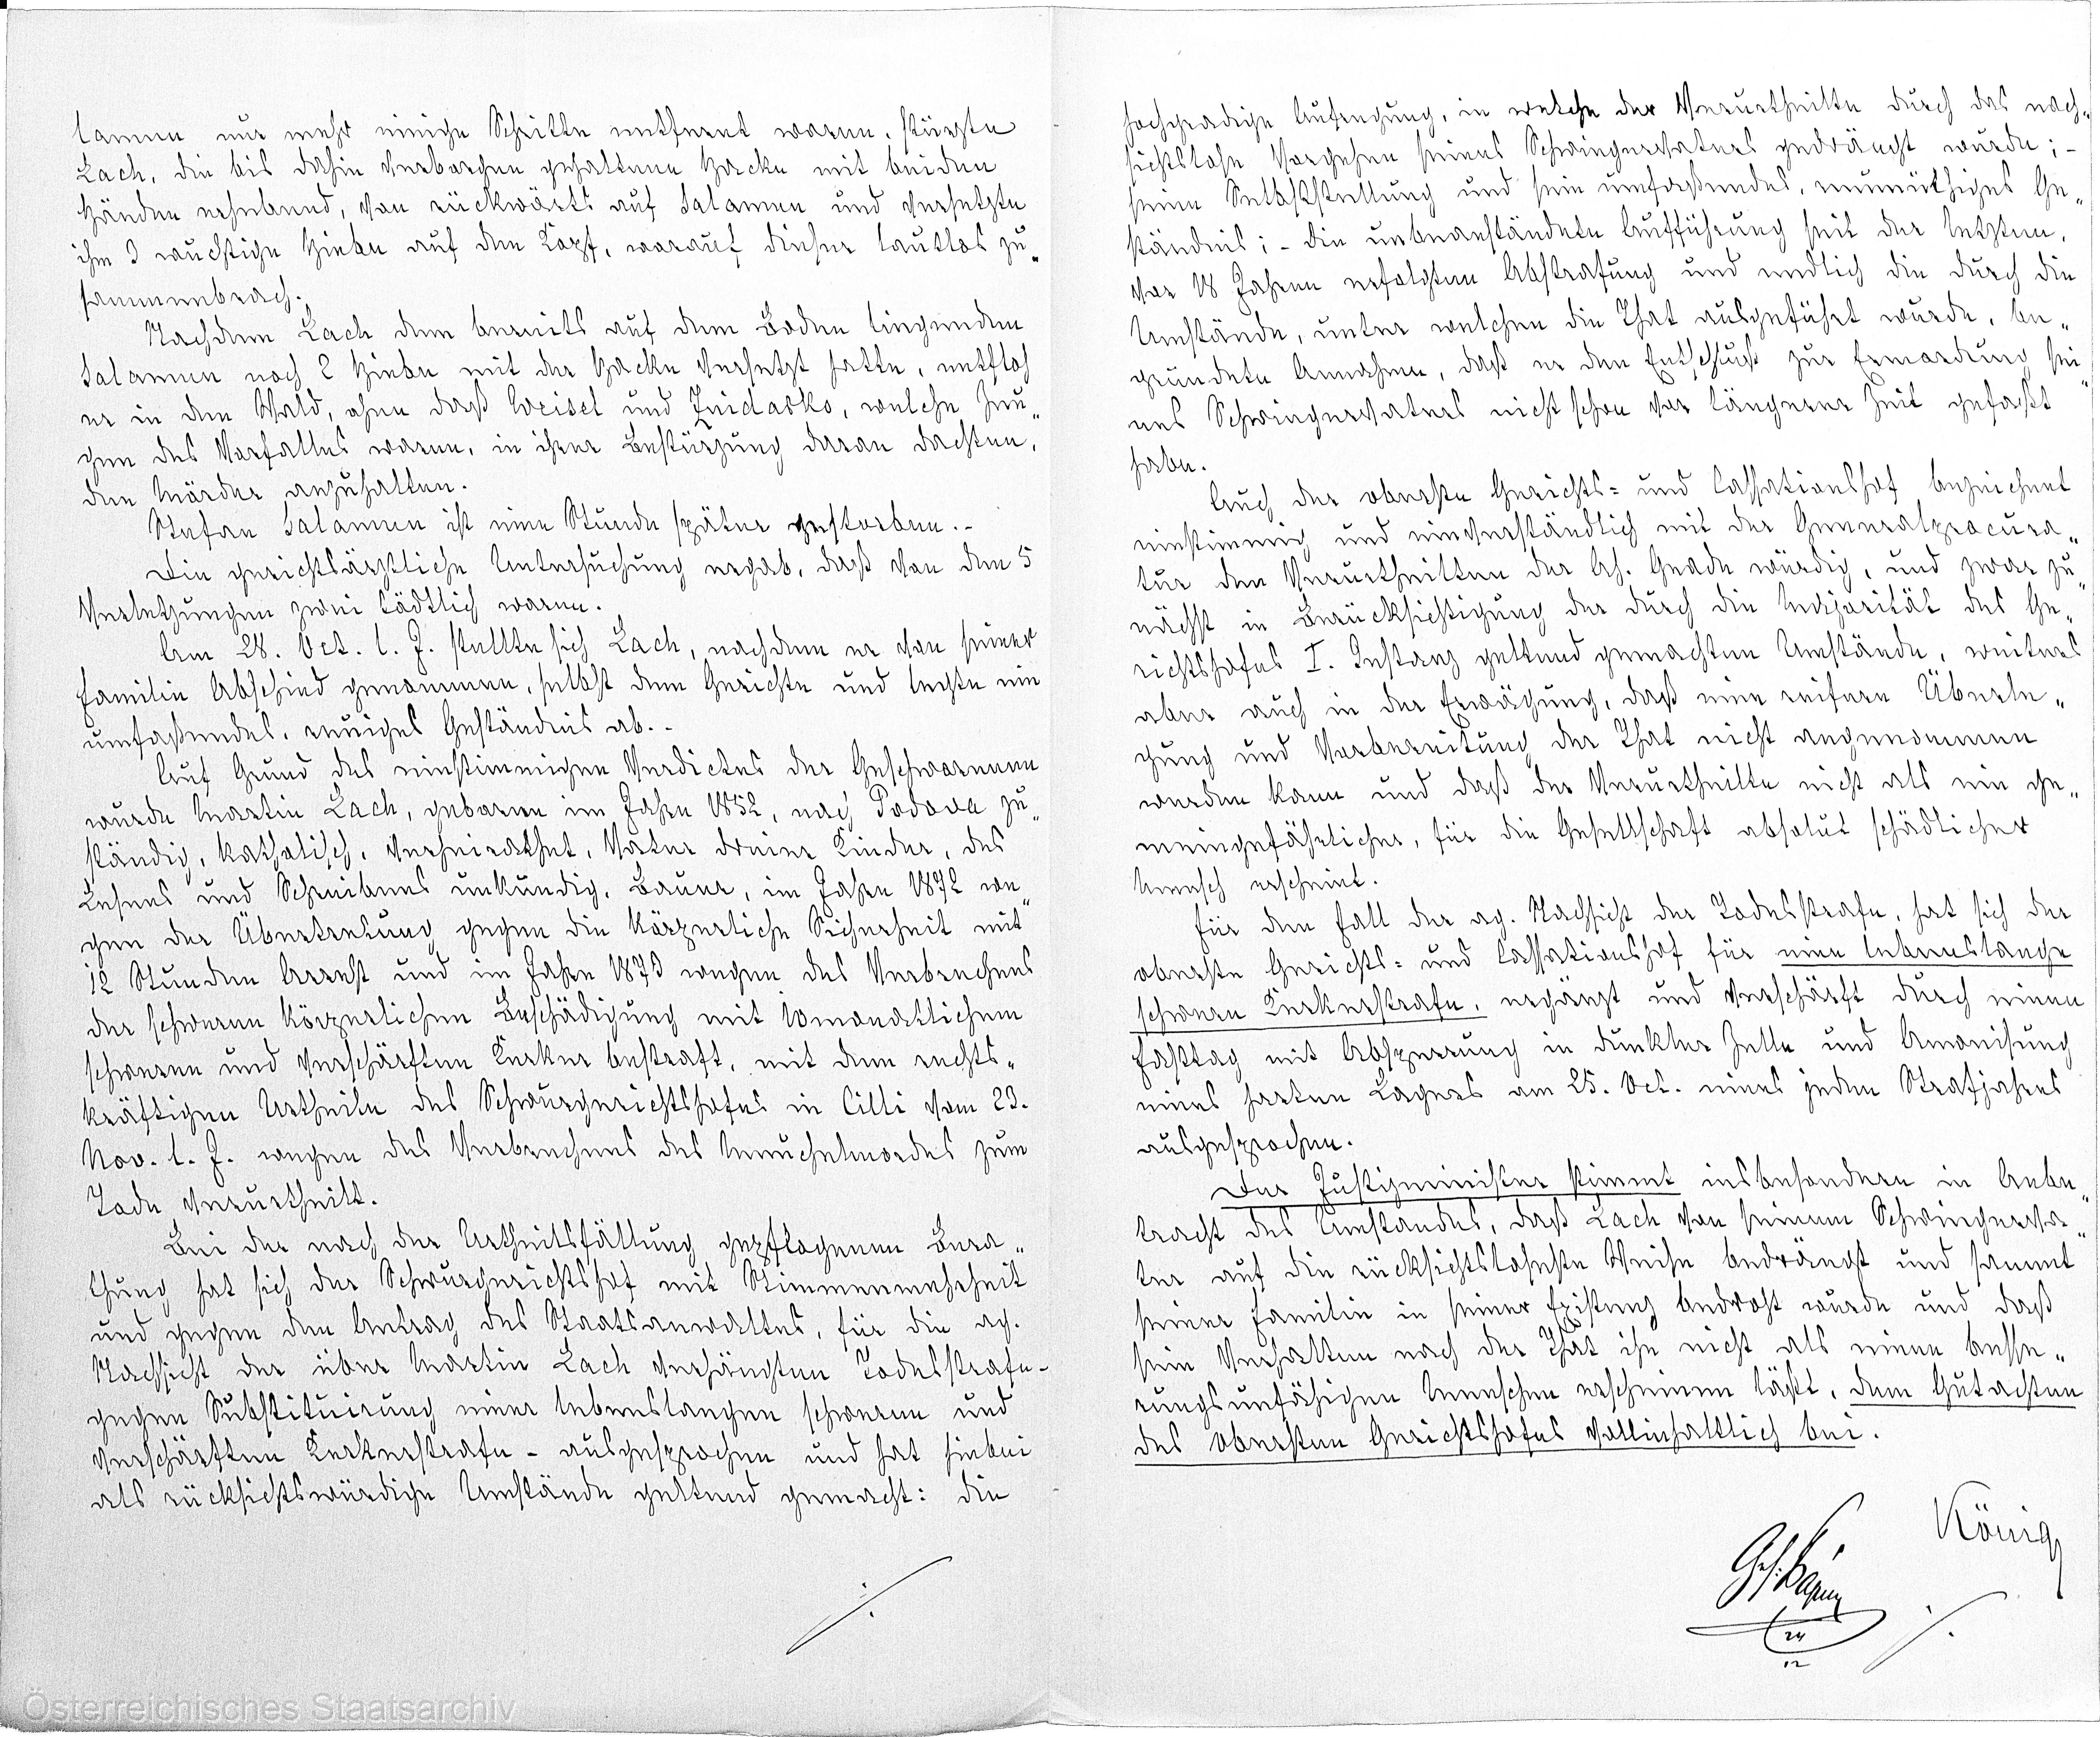lamun nur mehr einige Schritte entfernt waren, stürzte
Lach, die bis dahin verborgen gehaltene Hacke mit beiden
Händen erhebend, von rückwärts auf Salamun und versetzte
ihm 3 wuchtige Hiebe auf den Kopf, worauf dieser lautlos zu¬
sammenbrach.
Nachdem Lach dem bereits auf dem Boden liegenden
Salamun noch 2 Hiebe mit der Hacke versetzt hatte, entfloh
er in den Wald, ohne daß Weisel und Znidarko, welche Zeu¬
gen des Vorfalles waren, in ihrer Bestürzung daran dachten,
den Mörder anzuhalten.
Stefan Salamun ist eine Stunde später gestorben.
Die gerichtsärztliche Untersuchung ergab, daß von dem 5
Verletzungen zwei tödtlich waren.
Am. 28. Oct. l. J. stellte sich Lach, nachdem er von seiner
Familie Abschied genommen, selbst dem Gerichte und legte ein
umfaßendes, reuiges Geständnis ab.
Auf Grund das einstimmigen Verdictes der Geschworenen
wurde Martin Lach, geboren i Jahre 1852, nach Podova zu¬
ständig, katholisch, verheirathet, Vater dreier Kinder, des
Lesens und Schreibens unkundig, Bauer, im Jahre 1872 we¬
gen der Übertretung gegen die körperliche Sicherheit mit
12 Student Arrest und im Jahre 1873 wegen des Verbrechens
der schweren körperlichen Beschädigung mit 10monatlichem
schweren und verschärften Kerker bestraft, mit dem rechts¬
kräftigen Urtheile des Schwurgerichtshofes in Cilli vom 23.
Nov. l. J. wegen des Verbrechens des Meuchelmordes zum
Tode verurtheilt.
Bei der nach der Urtheilsfällung gepflogenen Bera¬
thung hat sich der Schwurgerichtshof mit Stimmenmehrheit
und gegen den Antrag des Staatsanwaltes, für die ag.
Nachsicht der über Martin Lach verhängten Todesstrafe
gegen Substituirung einer lebenslangen schweren und
verschärften Kerkerstrafe – ausgesprochen und hat hiebei
als rücksichtswürdige Umstände geltend gemacht: die
hochgradige Aufregung, in welche der Verurtheilte durch das nach¬
sichtslose Vorgehen seines Schwiegervaters gedrängt wurde;
seine Selbststellung und sein umfaßendes, reumüthiges Ge¬
ständnis; die unbeanständete Aufführung seit der letzten,
vor 18 Jahren erfolgten Abstrafung und endlich die durch die
Umstände, unter welchen die That ausgeführt wurde, be¬
gründete Annahme, daß er den Entschluß zur Ermordung sei¬
nes Schwiegervaters nicht schon vor längerer Zeit gefaßt
habe.
Auch der oberste Gerichts- und Cassationshof bezeichnet
einstimmig und einverstuandlich mit der Generalprocura¬
tur den Verurtheilten der Ah. Gnade würdig, und zwar zu¬
nächst in Berücksichtigung der durch die Majorität des Ge¬
richtshofes I. Instanz geltend gemachten Umstände, weiters
aber auch in der Erwägung, daß eine reifere Überle¬
gung und Vorbereitung der That nicht angenommen
werden kann und daß der Verurtheilte nicht als ein ge¬
meingefährlicher, für die Gesellschaft absolut schädlicher
Mensch erscheint.
Für den Fall der ag. Nachsicht der Todesstrafe, hat sich der
oberste Gerichts- und Cassationshof für eine lebenslange
schwere Kerkerstrafe, ergänzt und verschärft durch einen
Fasttag mit Absperrung in dunkler Zelle und Amanisung
eines harten Lagers am 25. Oct. eines jeden Strafjahres
ausgesprochen.
Der Justizminister stimmt insbesondere in Anbe¬
tracht des Umstandes, daß Lach von seinem Schweigerva¬
ter auf die rücksichtsloseste Weise bedrängt und sammt
seienr Familie in seiner Existenz bedroht wurde und daß
sein Verhalten nach der That ihn nicht als einen besse¬
rungsunfähigen Menschen erscheinen läßt, dem Gutachten
des obersten Gerichts- und Cassationshofes vollinhaltlich bei.
König
Ges. Papay
24/12